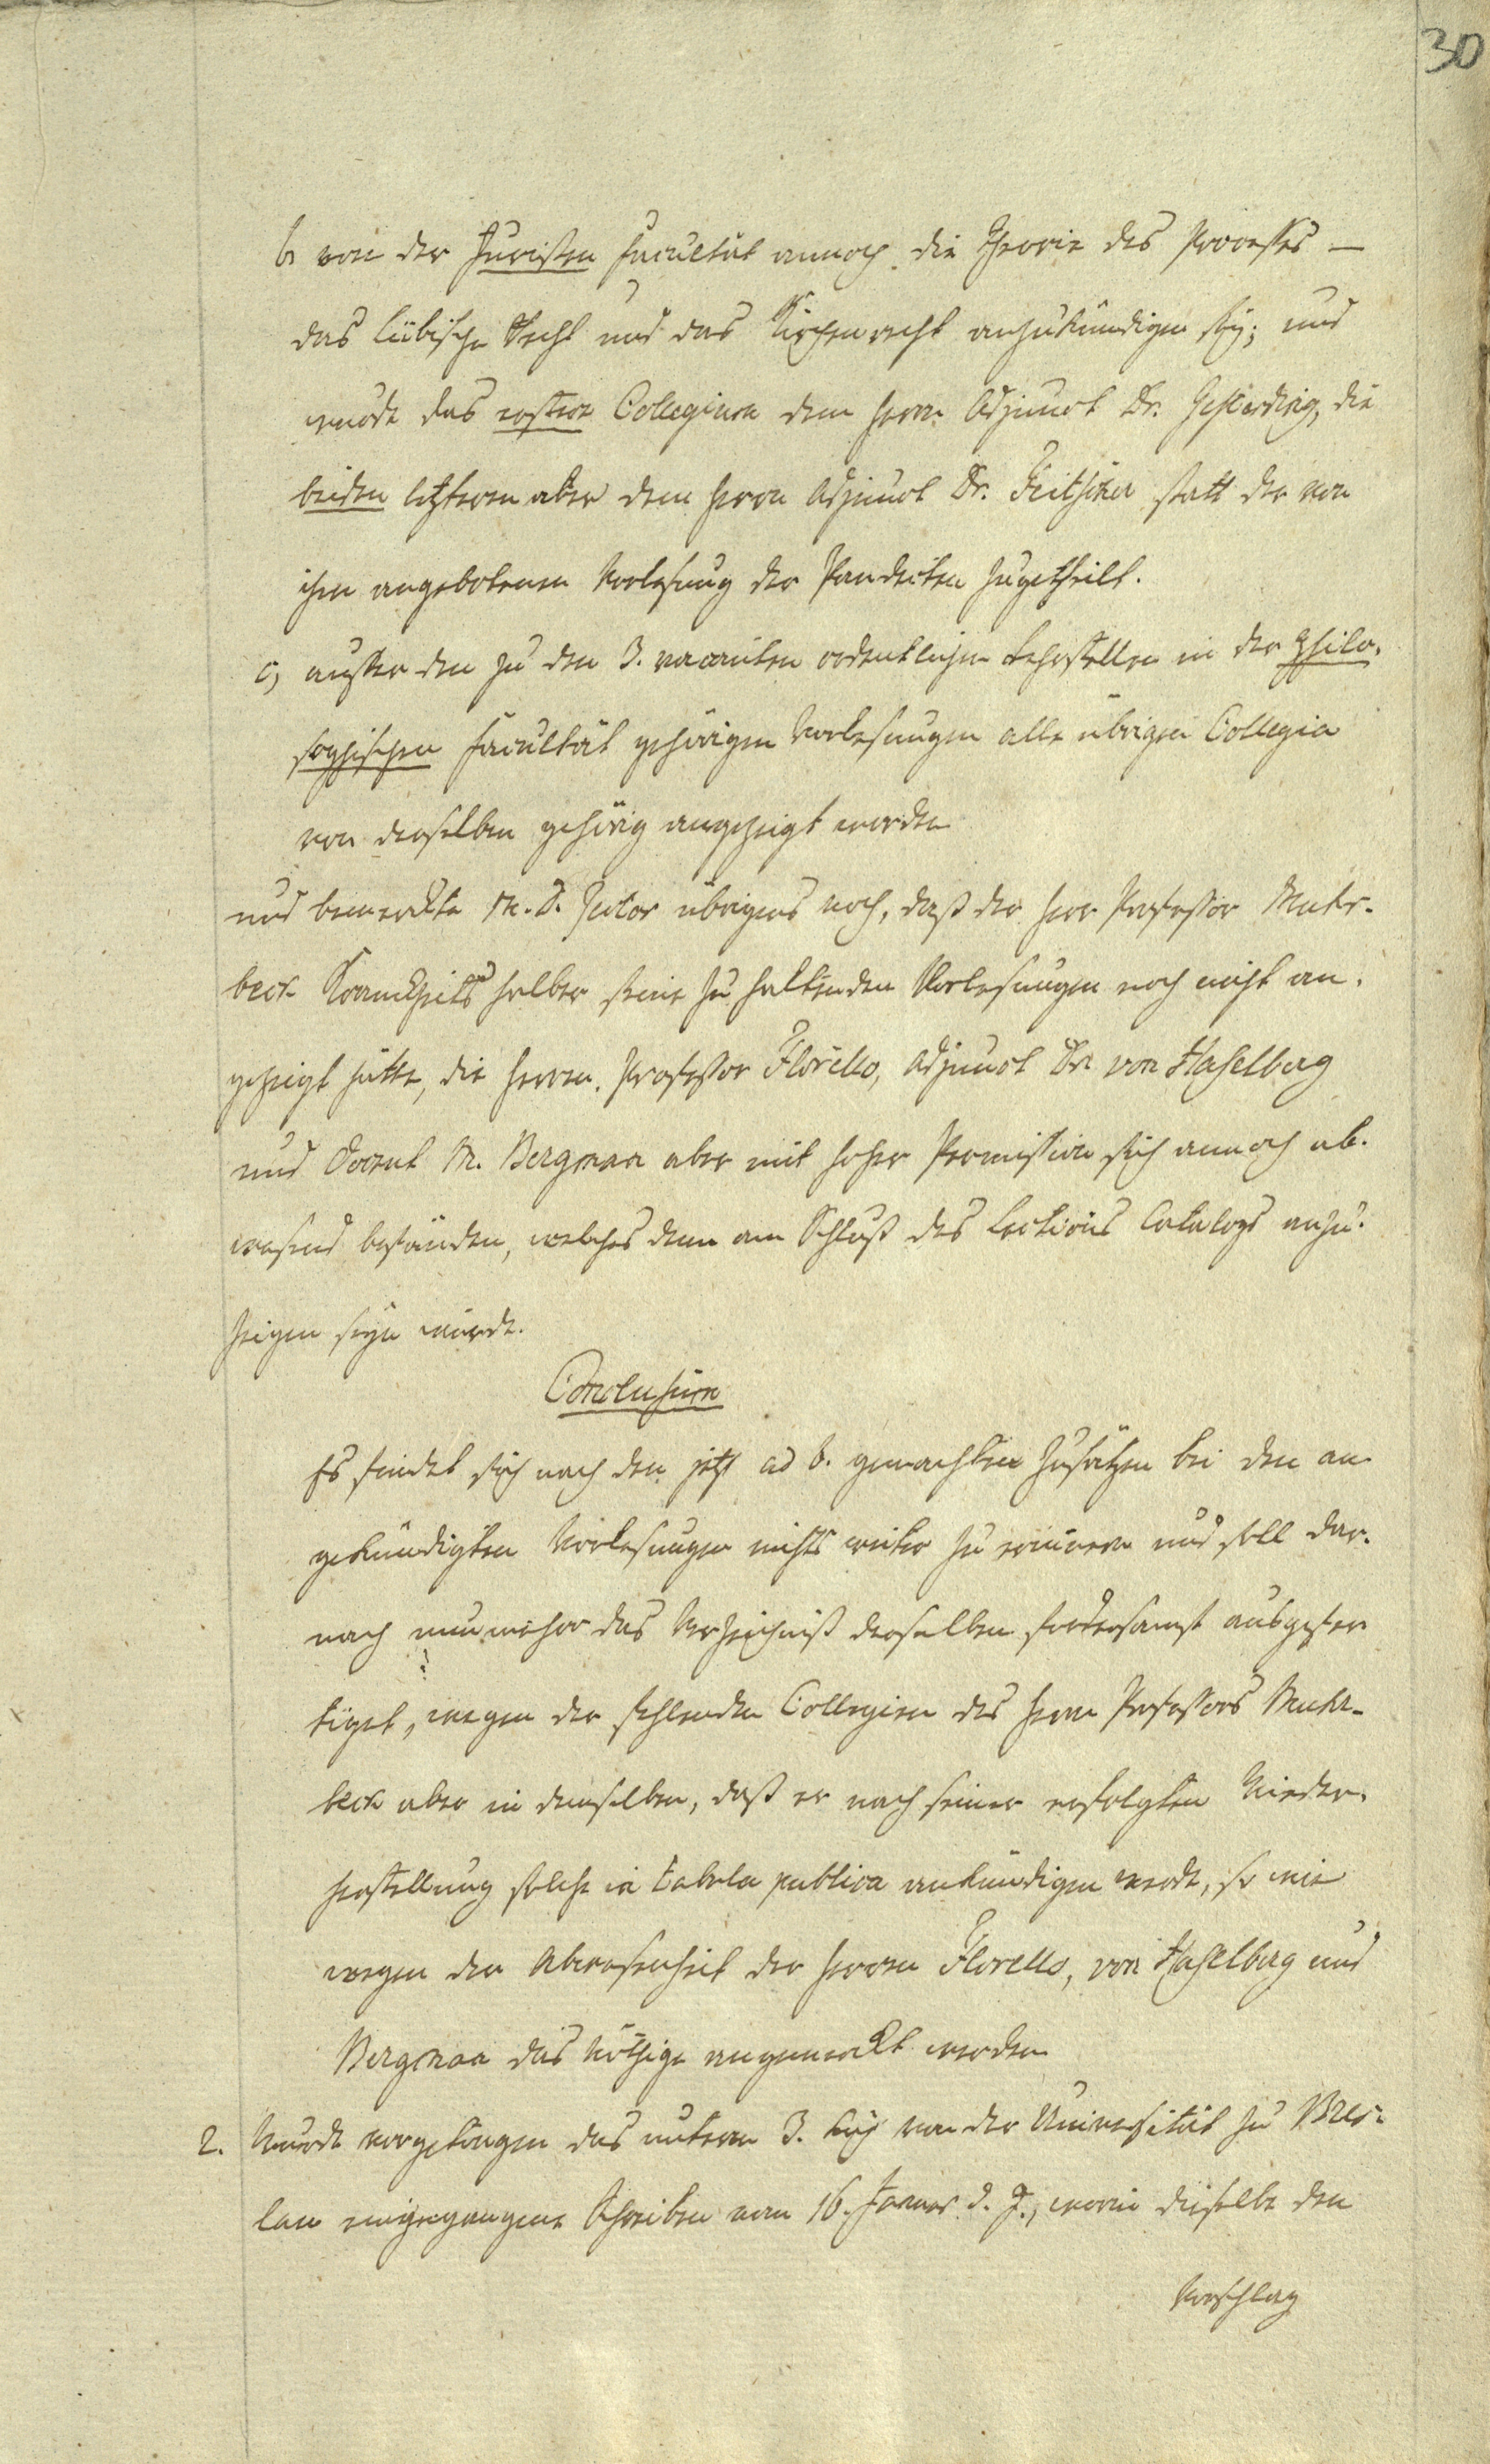b. von der Juristen Facultät annoch die Theorie des Processes -
das lübische Recht und das Kirchenrecht anzukündigen seÿ; und
würde das erstere Collegium dem Herrn Adjunct Dr. Gesterding, die
beiden letzteren aber dem Herrn Adjunct Dr. Feitscher statt der von
ihm angebotenen Vorlesung der Pandecten zugetheilt.
c, ausser den zu den 3. vacanten ordentlichen Lehrstellen in der philo¬
sophischen Facultät gehörigen Vorlesungen alle übrigen Collegia
von derselben gehörig angezeigt worden
und bemerkte M. D. Rector übrigens noch, daß der Herr Professor Muhr¬
beck Krankheits halber seine zu haltenden Vorlesungen noch nicht an¬
gezeigt hätte, die Herren, Professor Florello, Adjunct Dr. von Haselberg
und Docent M. Bergman aber mit hoher Permission sich annoch ab¬
wesend befänden, welches denn am Schluß des Lections Catalogs anzu¬
zeigen seÿn würde.
Conclusum
Es findet sich nach den jetzt ad b. gemachten Zusätzen bei den an¬
gekündigten Vorlesungen nichts weiter zu erinnern und soll dar¬
nach nunmehro das Verzeichniß derselben fordersamst ausgefer¬
tiget, wegen der fehlenden Collegien des Herrn Professors Muhr¬
beck aber in demselben, daß er nach seiner erfolgten Wieder¬
herstellung solche in tabula publica ankündigen werde, so wie
wegen der Abwesenheit der Herren Florello, von Haselberg und
Bergman das nöthige angemerckt werden.
2. Wurde vorgetragen das unterm 3. huj von der Universität zu Bres¬
lau eingegangene Schreiben vom 16. Januar d. J., worin dieselbe den
Vorschlag